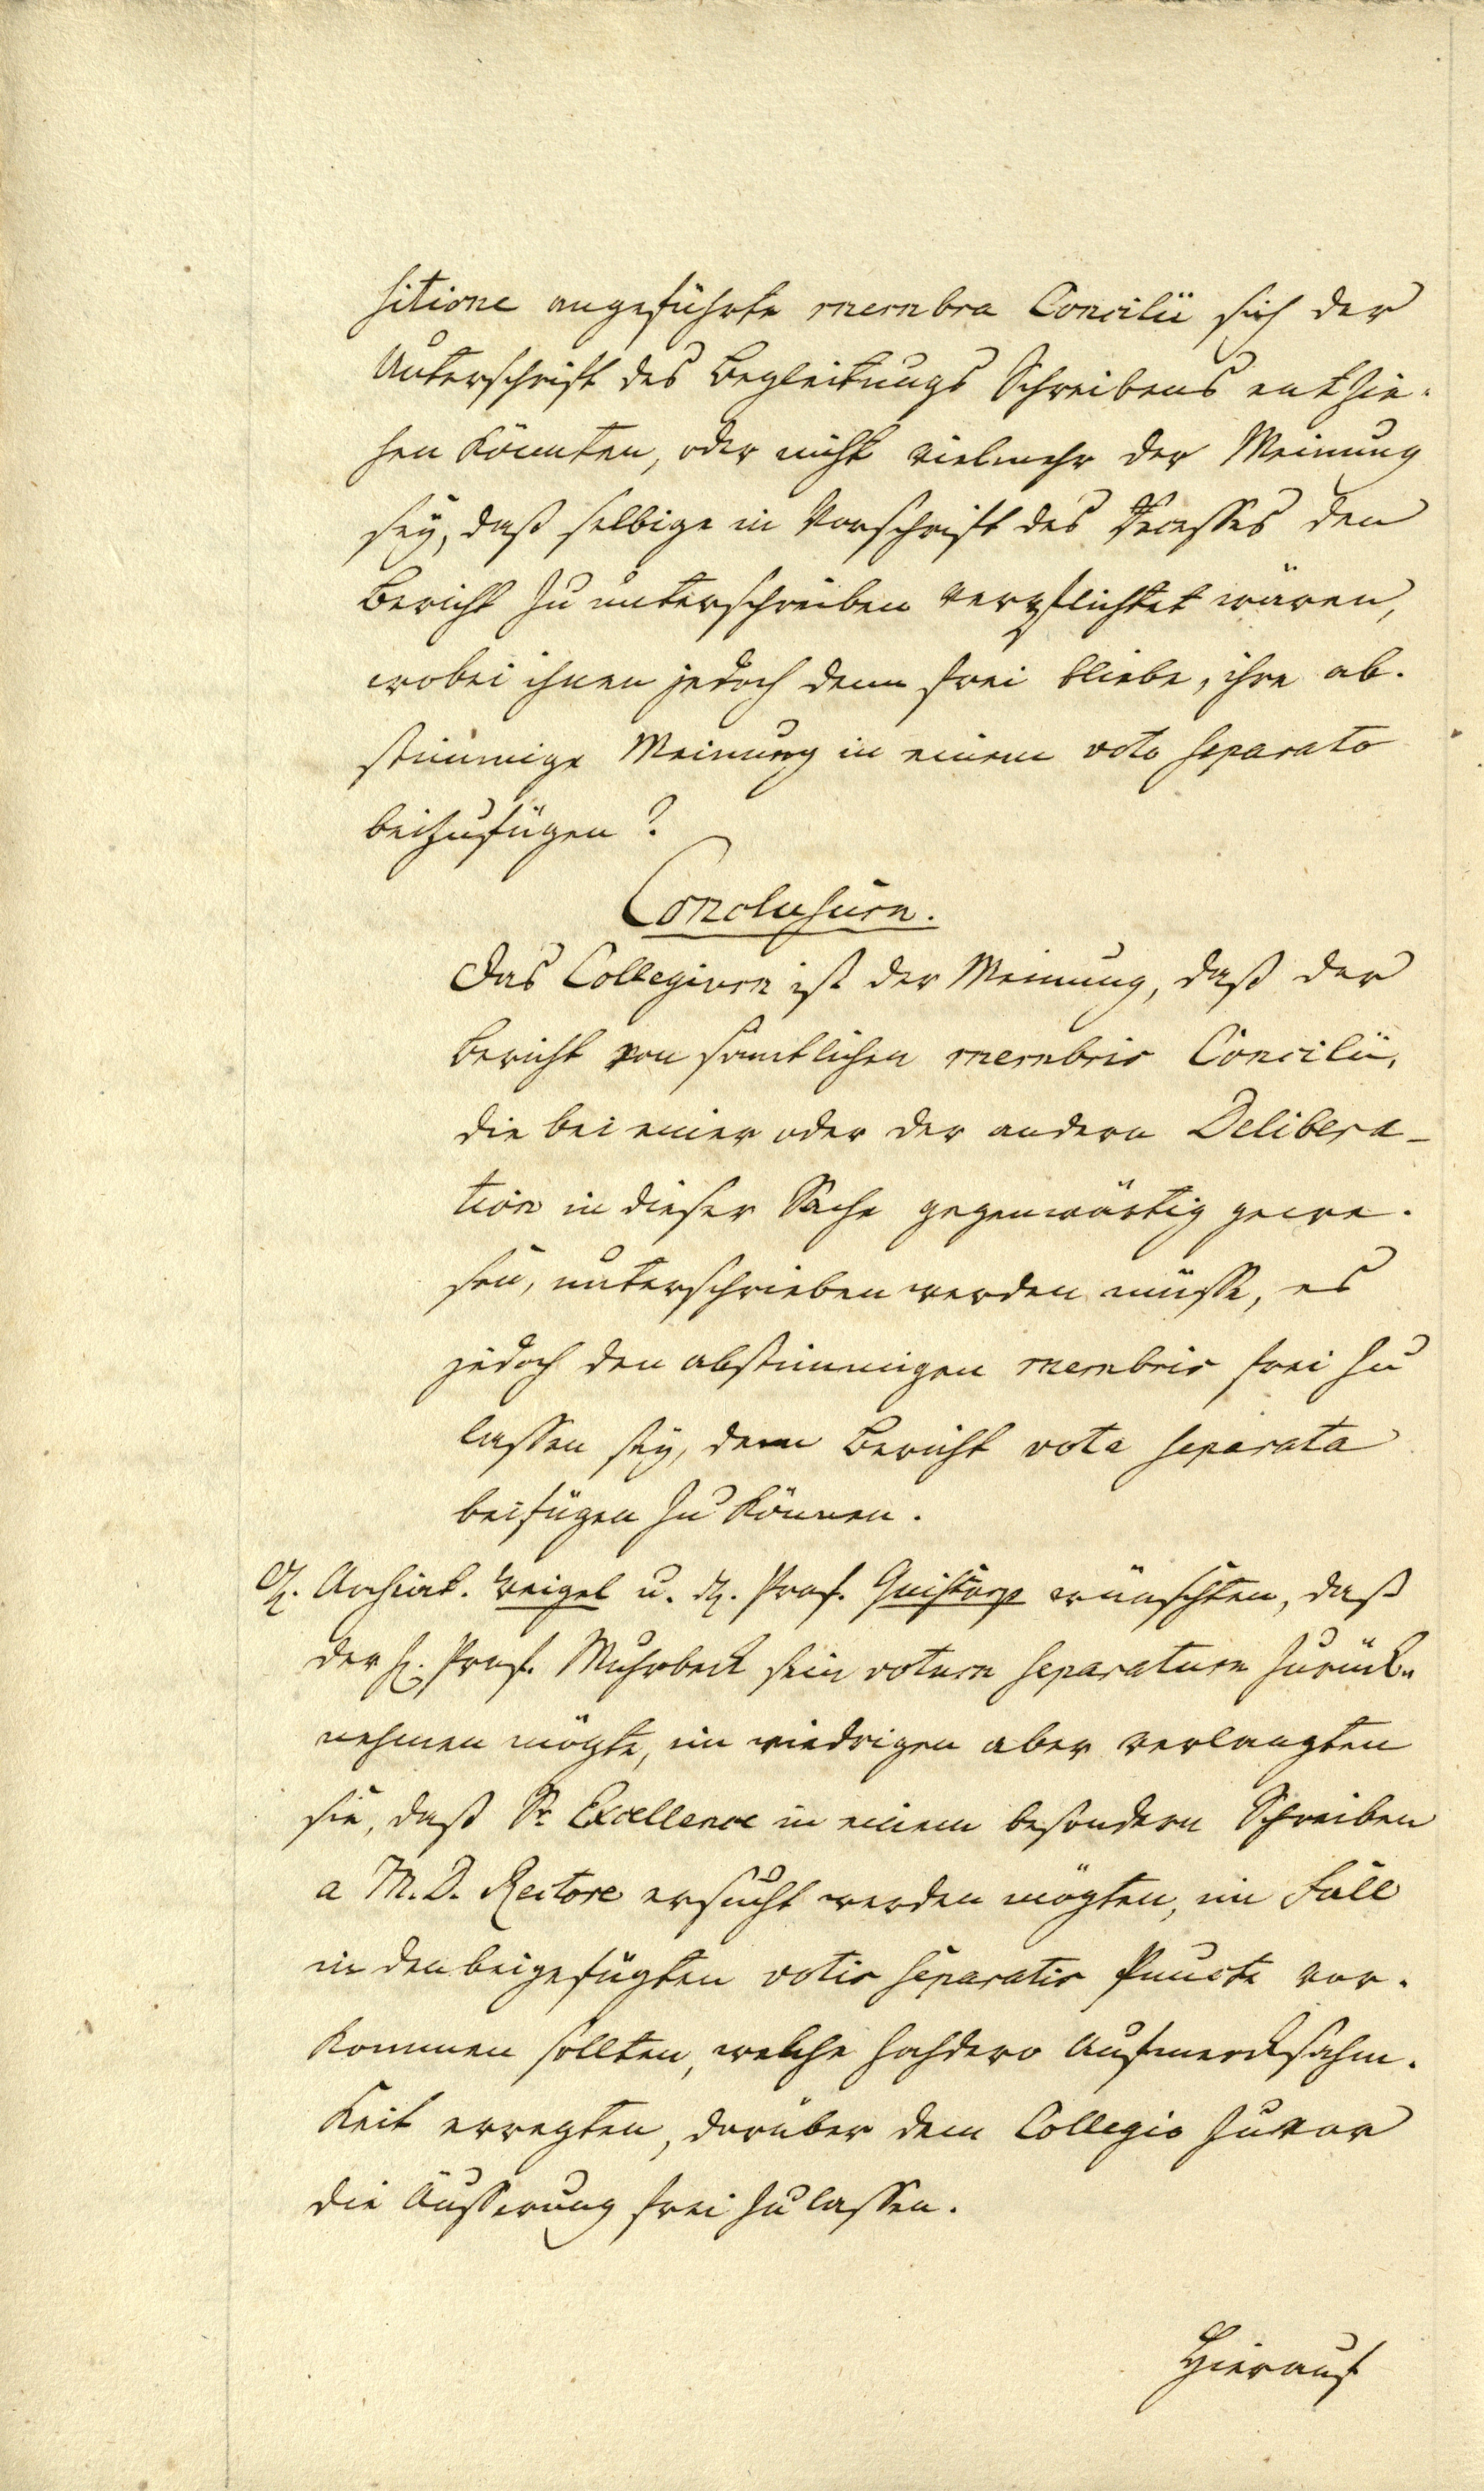sitione angeführte membra Concilii sich der
Unterschrift des Begleitungs Schreibens entzie¬
hen könnten, oder nicht vielmehr der Meinung
seÿ, daß selbige in Vorschrift des Recesses den
Bericht zu unterschreiben verpflichtet wären,
wobei ihnen jedoch denn frei bliebe, ihre ab¬
stimmige Meinung in einem voto separato
beizufügen?
Conclusum
Das Collegium ist der Meinung, daß der
Bericht von sämtlichen membris Concilii,
die bei einer oder der andern Delibera¬
tion in dieser Sache gegenwärtig gewe¬
sen, unterschrieben werden müsse, es
jedoch den abstimmigen membris frei zu
lassen seÿ, dem Bericht vota separata
beifügen zu können.
dh. Archiat. Weigel u. dh. Prof. Quistorp wünschten, daß
der h. Prof. Muhrbeck sein votum separatum zurück¬
nehmen mögte, im wiedrigen aber verlangten
sie, daß Sr. Excellence in einem besondern Schreiben
a M. D. Rectore ersucht werden mögten, im Fall
in den beigefügten votis separatis Puncte vor¬
kommen sollten, welche hochdero Aufmerksahm¬
keit erregten, darüber dem Collegio zuvor
die Äusserung frei zu lassen.
Hierauf